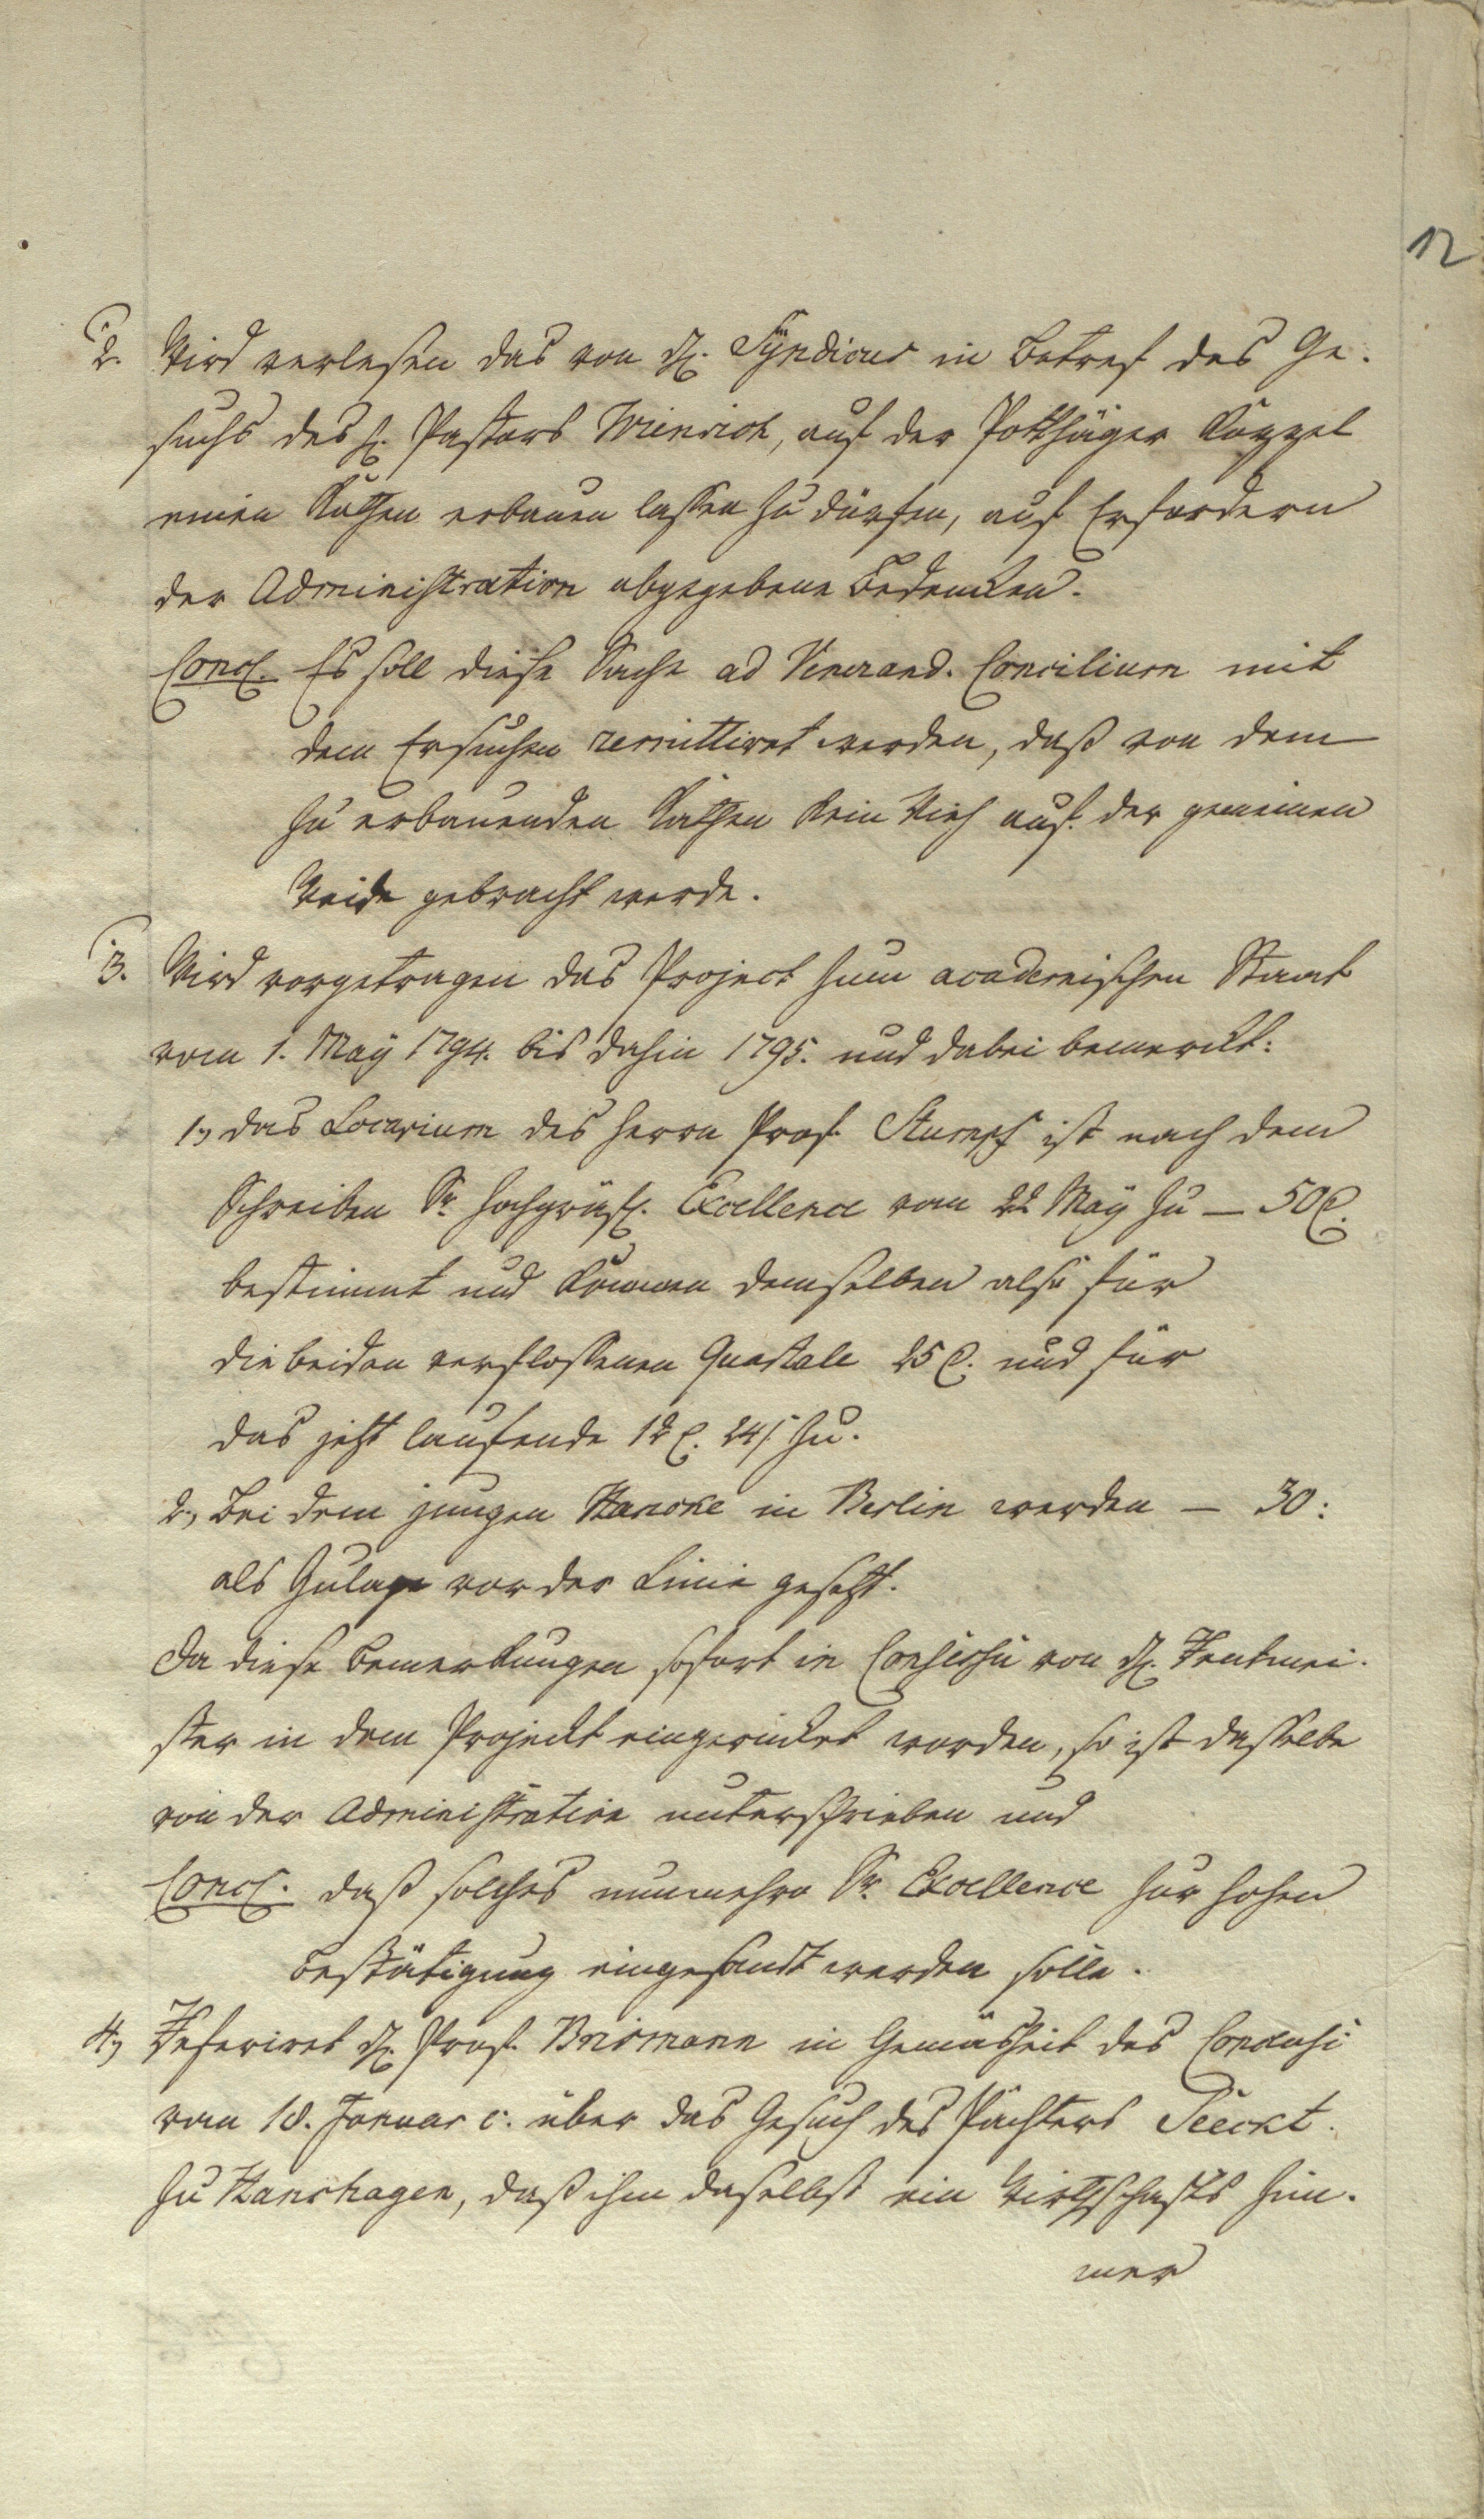2. Wird verlesen das von dh. Syndicus in Betref des Ge¬
suchs des H. Pastors Wienrich, auf der Potthäger Koppel
einen Kathen erbauen lassen zu dürfen, auf Erfordern
der Administration abgegebene Bedenken.
Concl. Es soll diese Sache ad Venerand. Concilium mit
dem Ersuchen remittiret werden, daß von dem
zu erbauenden Kathen kein Vieh auf der gemeinen
Weide gebracht werde.
3. Wird vorgetragen das Project zum academischen Staat
vom 1. May 1794 bis dahin 1795. und dabei bemerkt:
1. das Locarium des Herrn Prof. Stumpf ist nach dem
Schreiben Sr. hochgräfl. Excellence vom 22. May zu - 50 rtl.
bestimmt und kommen demselben also für
die beiden verflossenen Quartale 25 rtl. und für
das jetzt laufende 12 rtl. 24s zu.
2., Bei dem jungen Hancke in Berlin werden - 30.
als Zulage vor der Linie gesetzt.
Da diese Bemerkungen sofort in Consessu von dh. Rentmei¬
ster in dem Projekt eingerücket worden, so ist dasselbe
von der Administration unterschrieben und
Concl. daß solches nunmehro Sr. Excellence zur hohen
Bestätigung eingesandt werden solle.
4., Referiret dh. Prof. Brismann in Gemäsheit des Conclusi
vom 18. Januar c. über das Gesuch des Pächters Seeckt
zu Hanshagen, daß ihm daselbst ein Wirthschafts Zim¬
mer